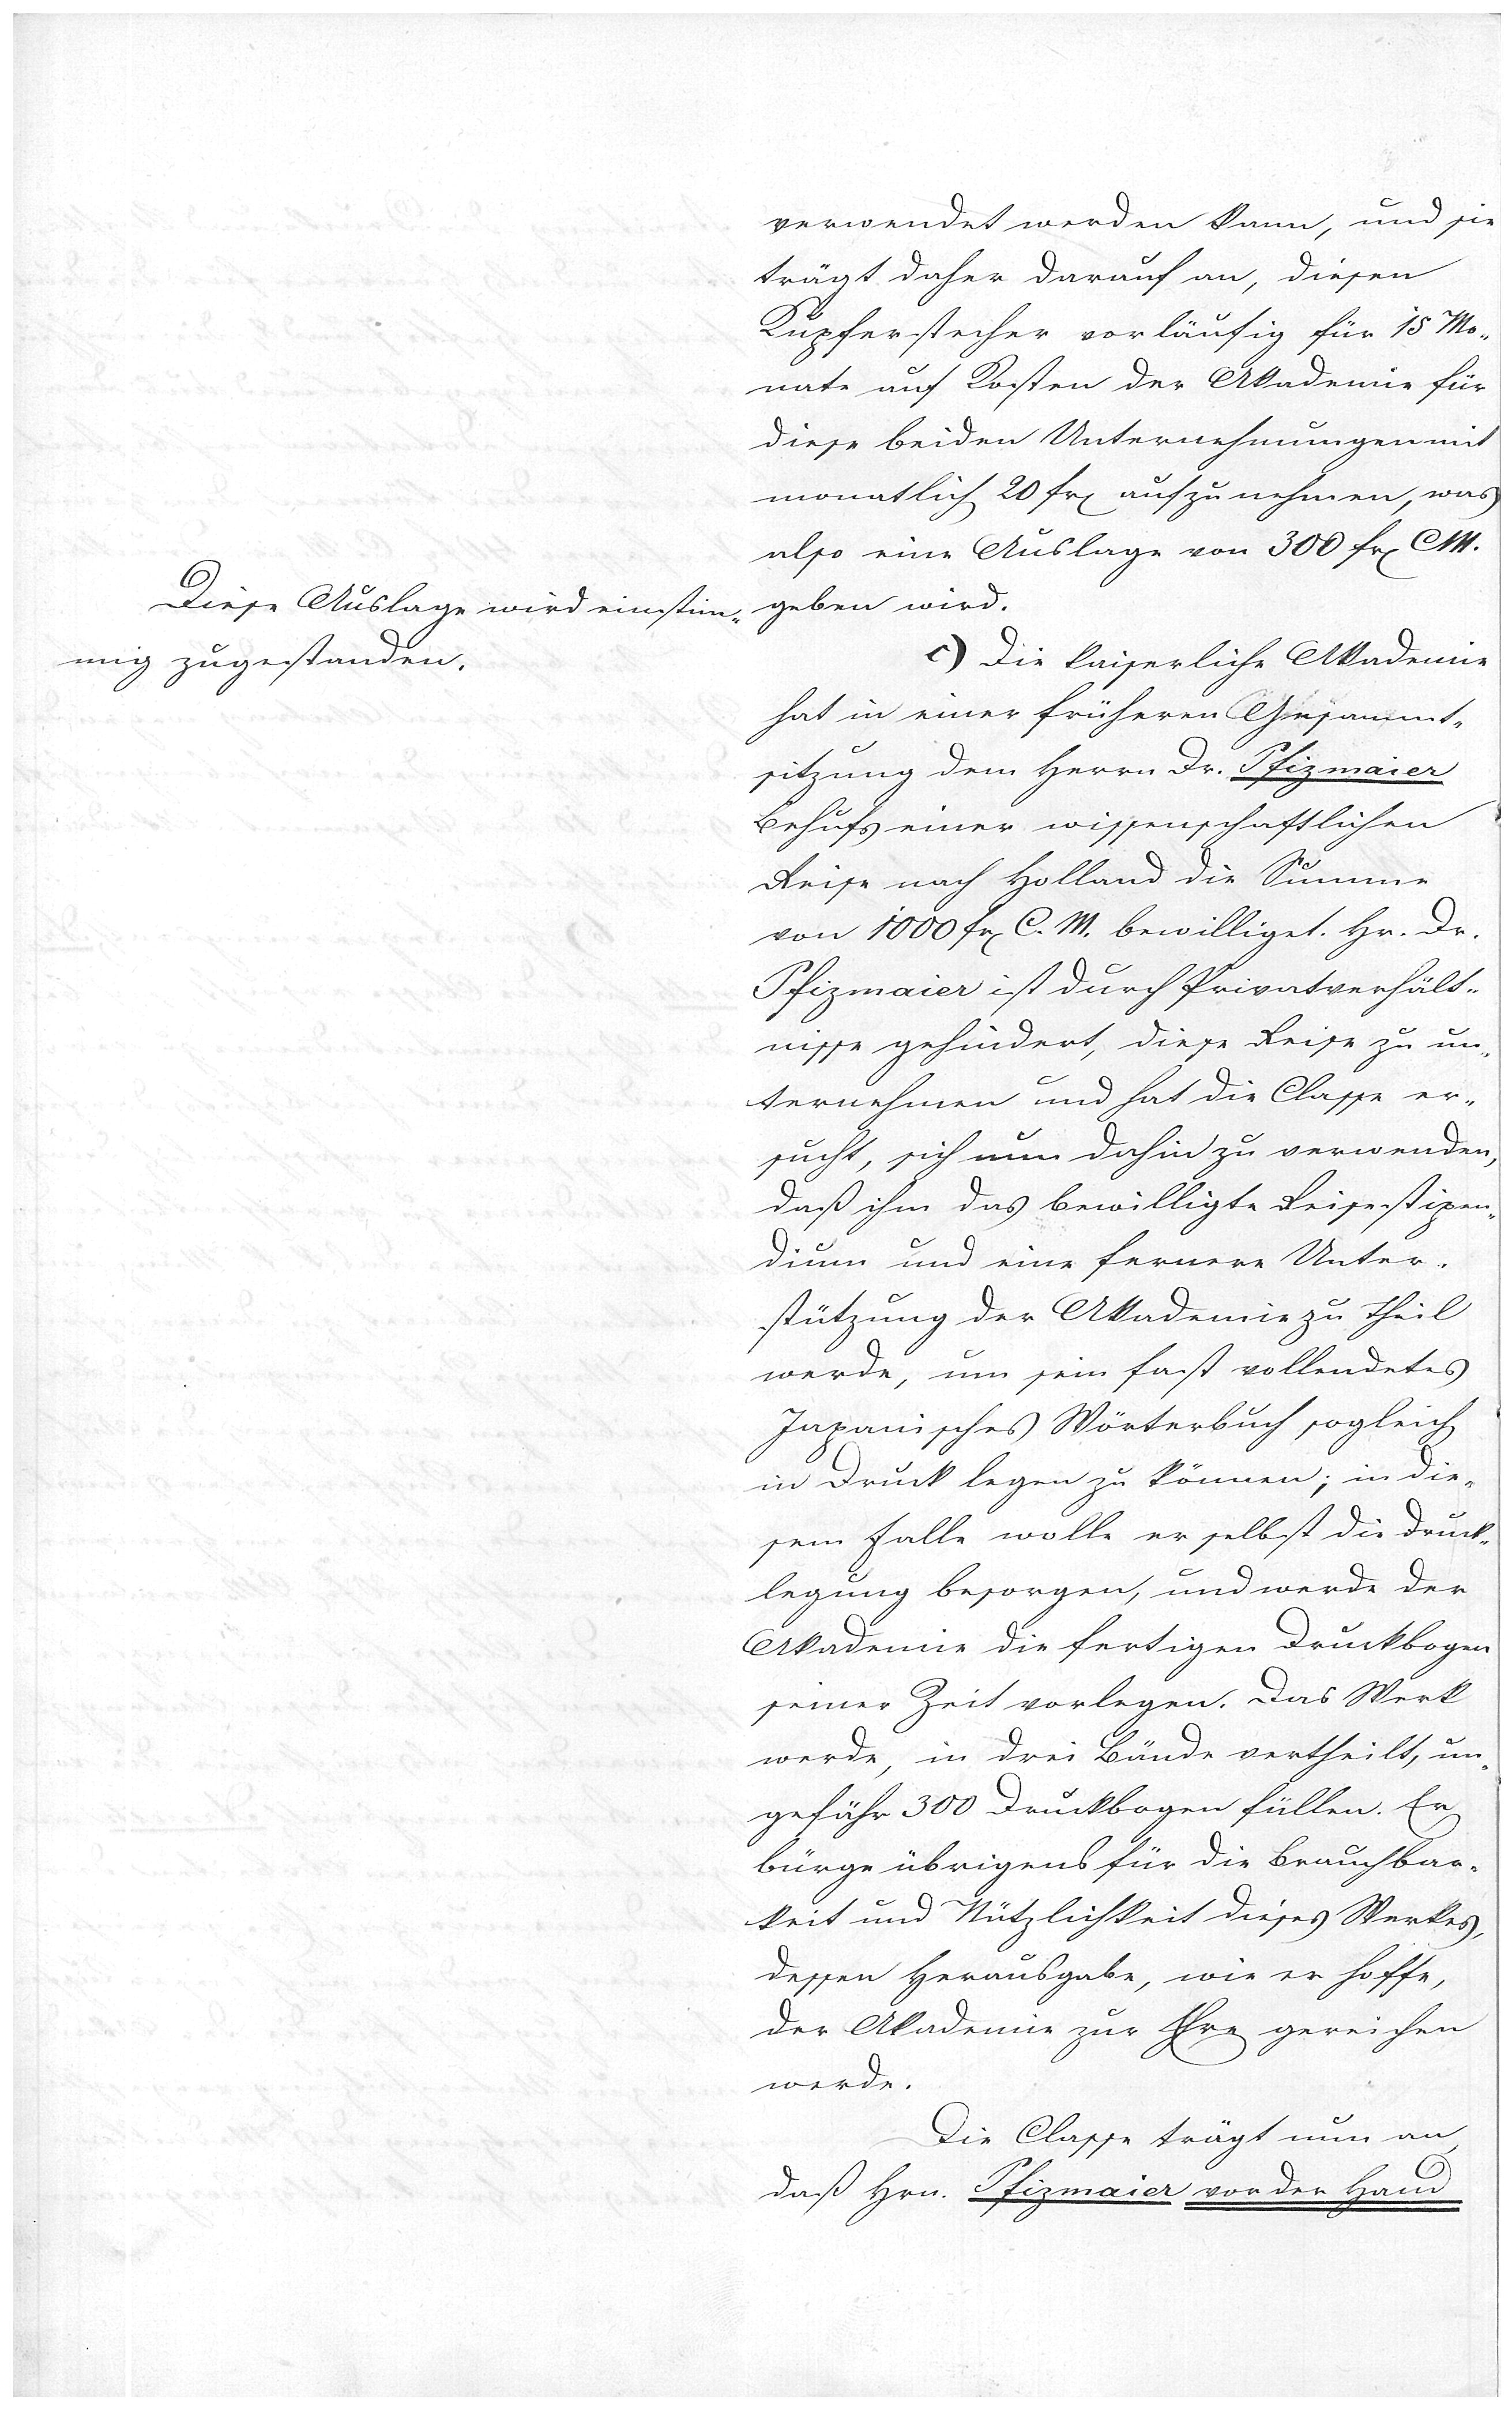verwendet werden kann, und sie
trägt daher darauf an, diesen
Kupferstecher vorläufig für 15 Mo-
nate auf Kosten der Akademie für
diese beiden Unternehnungen mit
monatlich 20 fl, aufzunehmen, was
also eine Auslage von 300 fl CM
geben wird.
Die Auslage wird einstim-
mig zugestanden.
c) Die kaiserliche Akademie
hat in einer früheren Gesammt-
sitzung dem Herrn Dr. Pfizmaier
Behufs einer wissenschaftlichen
Reise nach Holland die Summe
von 1000 fl C.M. bewilliget. Hr. Dr.
Pfizmaier ist durch Privatverhält-
nisse gehindert, diese Reise zu un-
ternehmen und hat die Classe er-
sucht, sich nun dahin zu verwenden,
daß ihm das bewilligte Reisestipen-
dium und eine fernere Unter-
stützung der Akademie zu Theil
werde, um sein fast vollendetes
japanisches Wörterbuch sogleich
in Druck legen zu können; in die-
sem Falle wolle er selbst die Druck-
legung besorgen, und werde der
Akademie die fertigen Druckbogen
seiner Zeit vorlegen. Das Werk
werde in drei Bände vertheilt, un-
gefähr 300 Druckbogen füllen. Er
bürge übrigens für die brauchbar-
keit und Nützlichkeit dieses Werkes,
dessen Herausgabe, wie er hoffe,
der Akademie zur Ehre gereichen
werde.
Die Classe trägt nun an,
daß Hrn. Pfizmaier vor der Hand